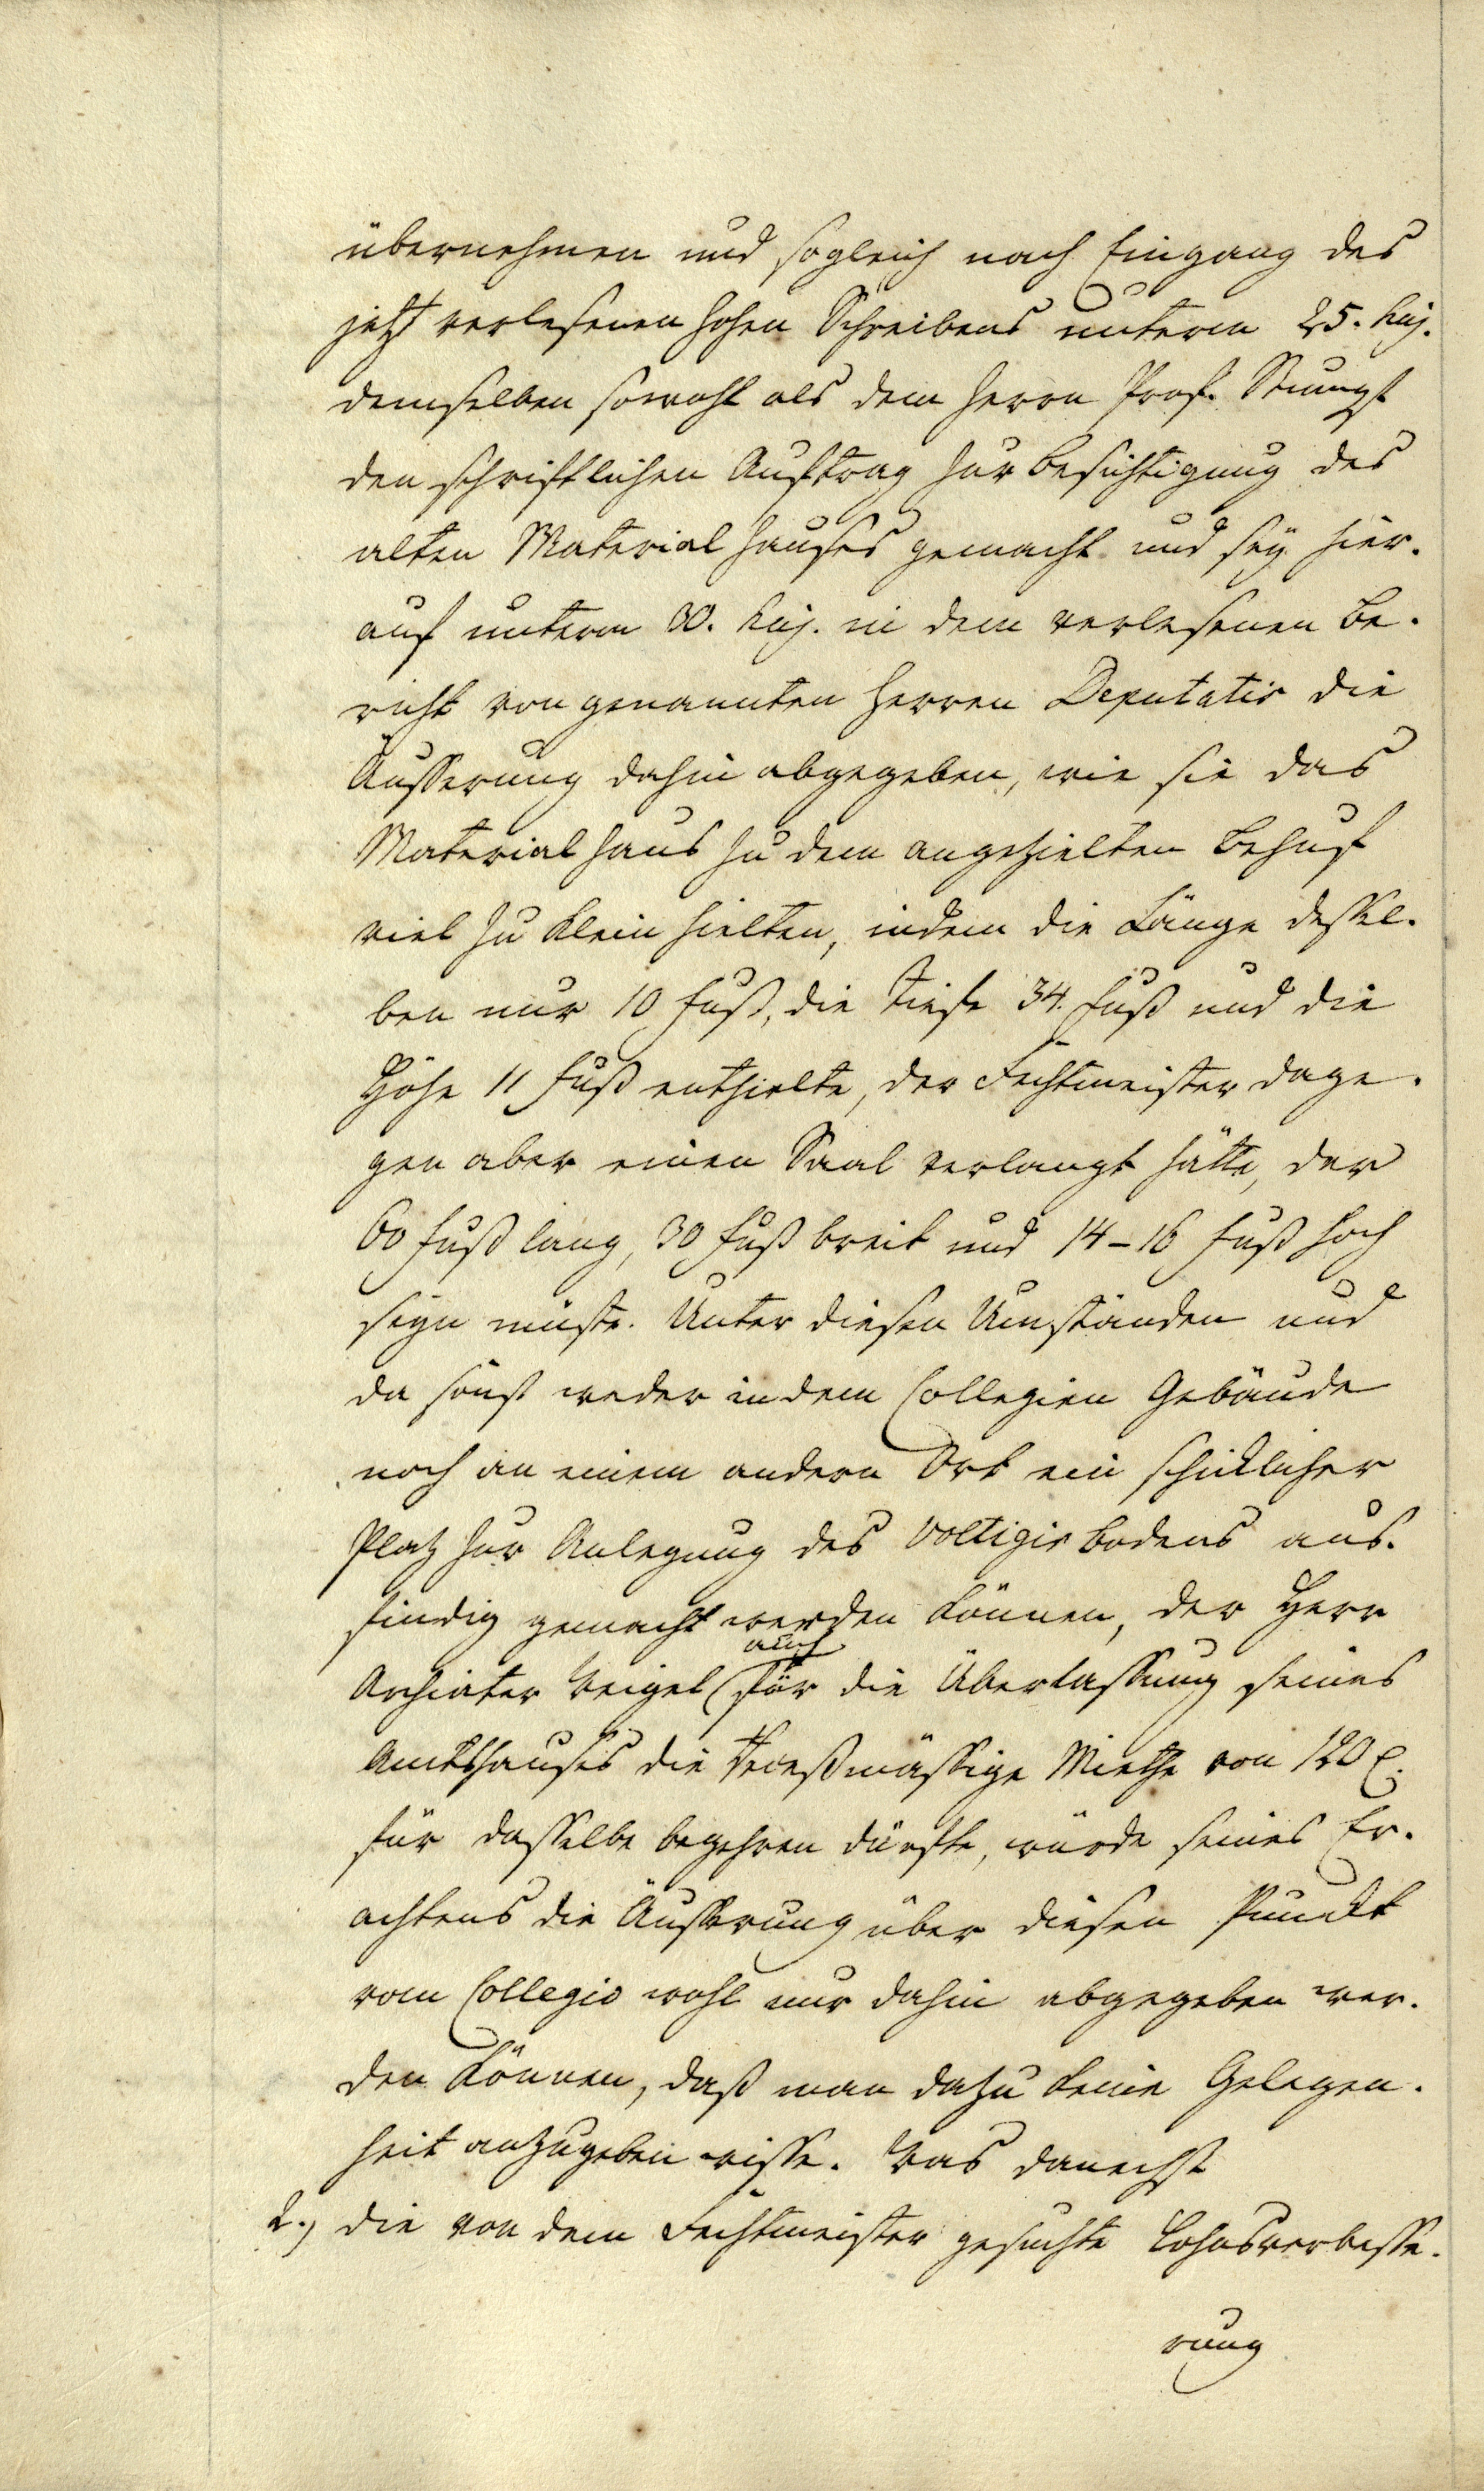übernehmen und sogleich nach Eingang des
jetzt verlesenen hohen Schreibens unterm 25. huj.
demselben sowohl als dem Herrn Prof. Stumpf
den schriftlichen Auftrag zur Besichtigung des
alten Material hauses gemacht und seÿ hier¬
auf unterm 30. huj. in dem verlesenen Be¬
richt von genannten Herren Deputatis die
Äusserung dahin abgegeben, wie sie das
Materialhaus zu dem angezielten Behuf
viel zu klein hielten, indem die Länge dessel¬
ben nur 10 Fuß, die Tiefe 34. Fuß und die
Höhe 11. Fuß enthielte, der Fechtmeister dage¬
gen aber einen Saal verlangt hätte, der
50 Fuß lang, 30 Fuß breit und 14-16 Fuß hoch
seÿn müßte. Unter diesen Umständen und
da sonst weder in dem Collegien Gebäude
noch an einem andern Ort ein schicklicher
Platz zur Anlegung des Voltigirbodens aus¬
findig gemacht werden können, der Herr
auch
Archiater Weigel für die Überlassung seines
Amtshauses die Recessmässige Miethe von 120 l.
für dasselbe begehren dürfte, würde seines Er¬
achtens die Äusserung über diesen Punckt
vom Collegio wohl nur dahin abgegeben wer¬
den können, daß man dazu keine Gelegen¬
heit anzugeben wisse. Was danechst
2., die von dem Fechtmeister gesuchte Lohnsverbesse¬
rung